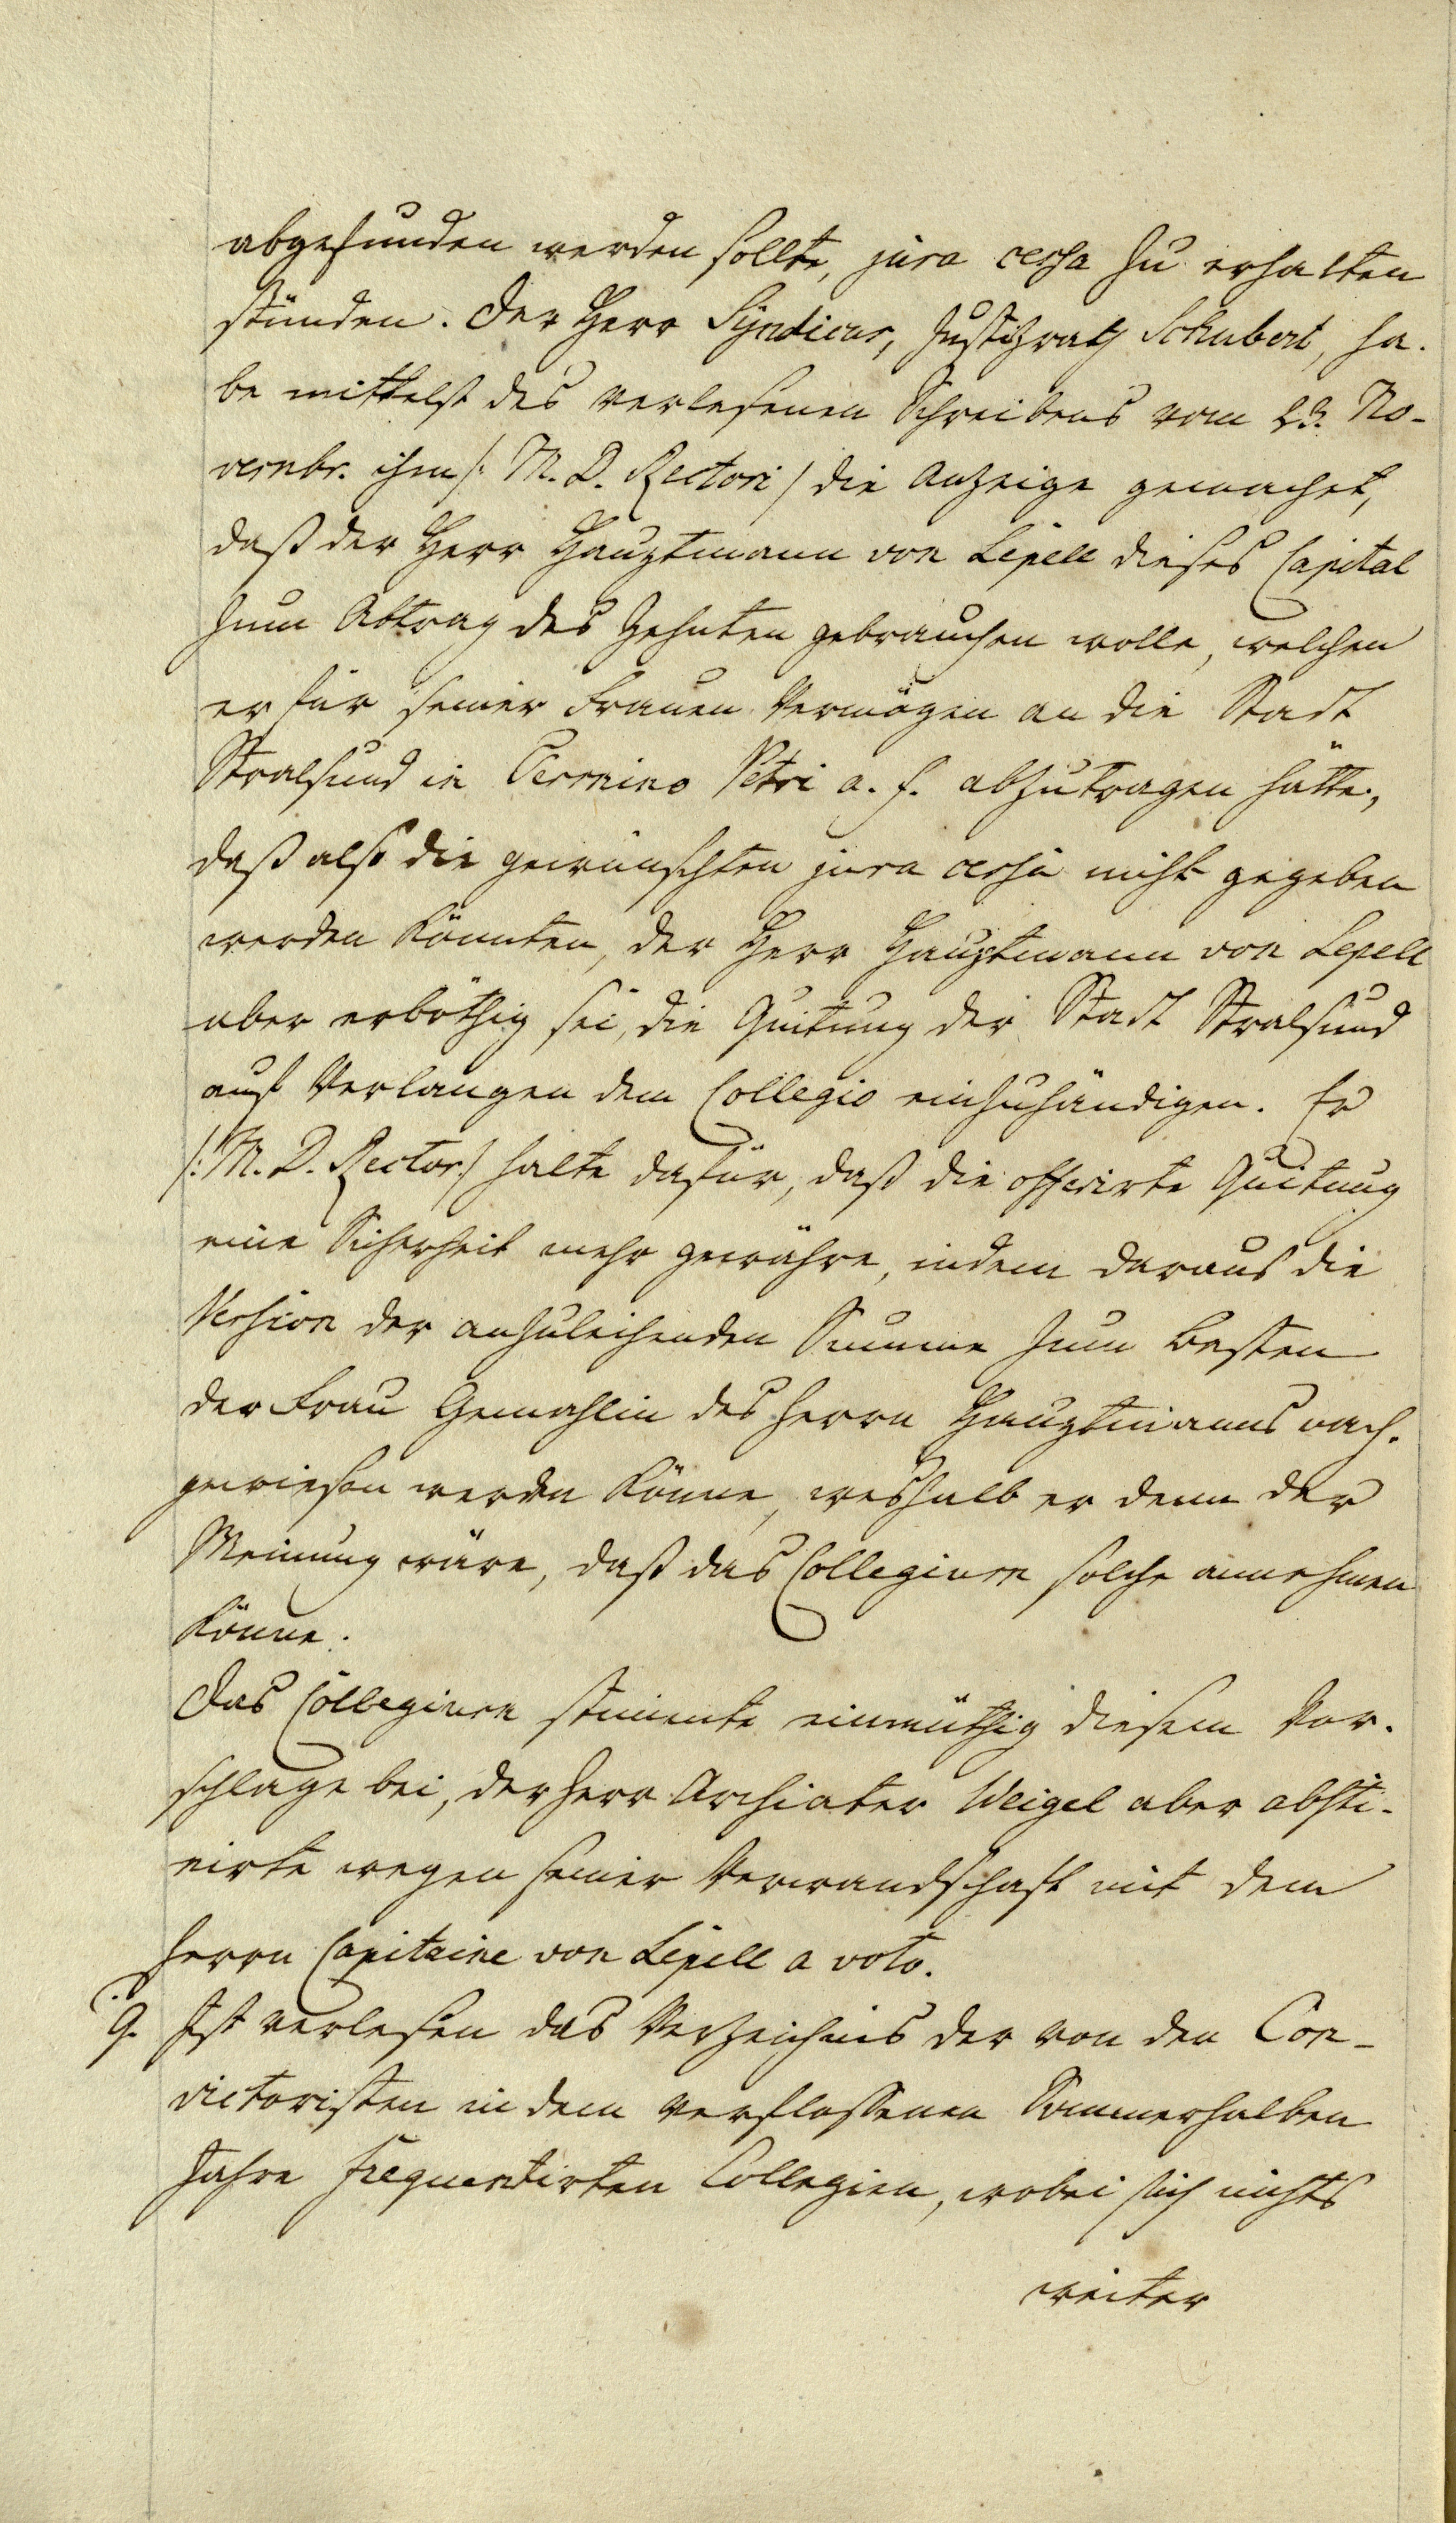abgefunden werden sollte, jura cessa zu erhalten
stünden. Der Herr Sÿndicus, Justizrath Schubert, ha¬
be mittelst des verlesenen Schreibens vom 23. No¬
vembr. ihm /. M. D. Rectori / die Anzeige gemachet,
daß der Herr Hauptmann von Lepell dieses Capital
zum Abtrag des Zehnten gebrauchen wolle, welchen
er für seiner Frauen Vermögen an die Stadt
Stralsund in Termino Petri a. f. abzutragen hätte,
daß also die gewünschten jura cessa nicht gegeben
werden könnten, der Herr Hauptmann von Lepell
aber erböthig sei, die Quitung der Stadt Stralsund
auf Verlangen dem Collegio einzuhändigen. Er
/: M. D. Rector ./ halte dafür, daß die offerirte Quitung
eine Sicherheit mehr gewähre, indem daraus die
Version der anzuleihenden Summe zum Besten
der Frau Gemahlin des Herrn Hauptmanns nach
gewiesen werden könne, weshalb er denn der
Meinung wäre, daß das Collegium solche annehmen
könne.
Das Collegium stimmte einmüthig diesem Vor¬
schlage bei, der Herr Archiater Weigel aber absti¬
nirte wegen seiner Verwandschaft mit dem
Herrn Capitaine von Lepell a voto.
9. Ist verlesen das Verzeichnis der von den Con¬
victoristen in dem verflossenen Sommerhalben
Jahre frequentirten Collegien, wobei sich nichts
weiter